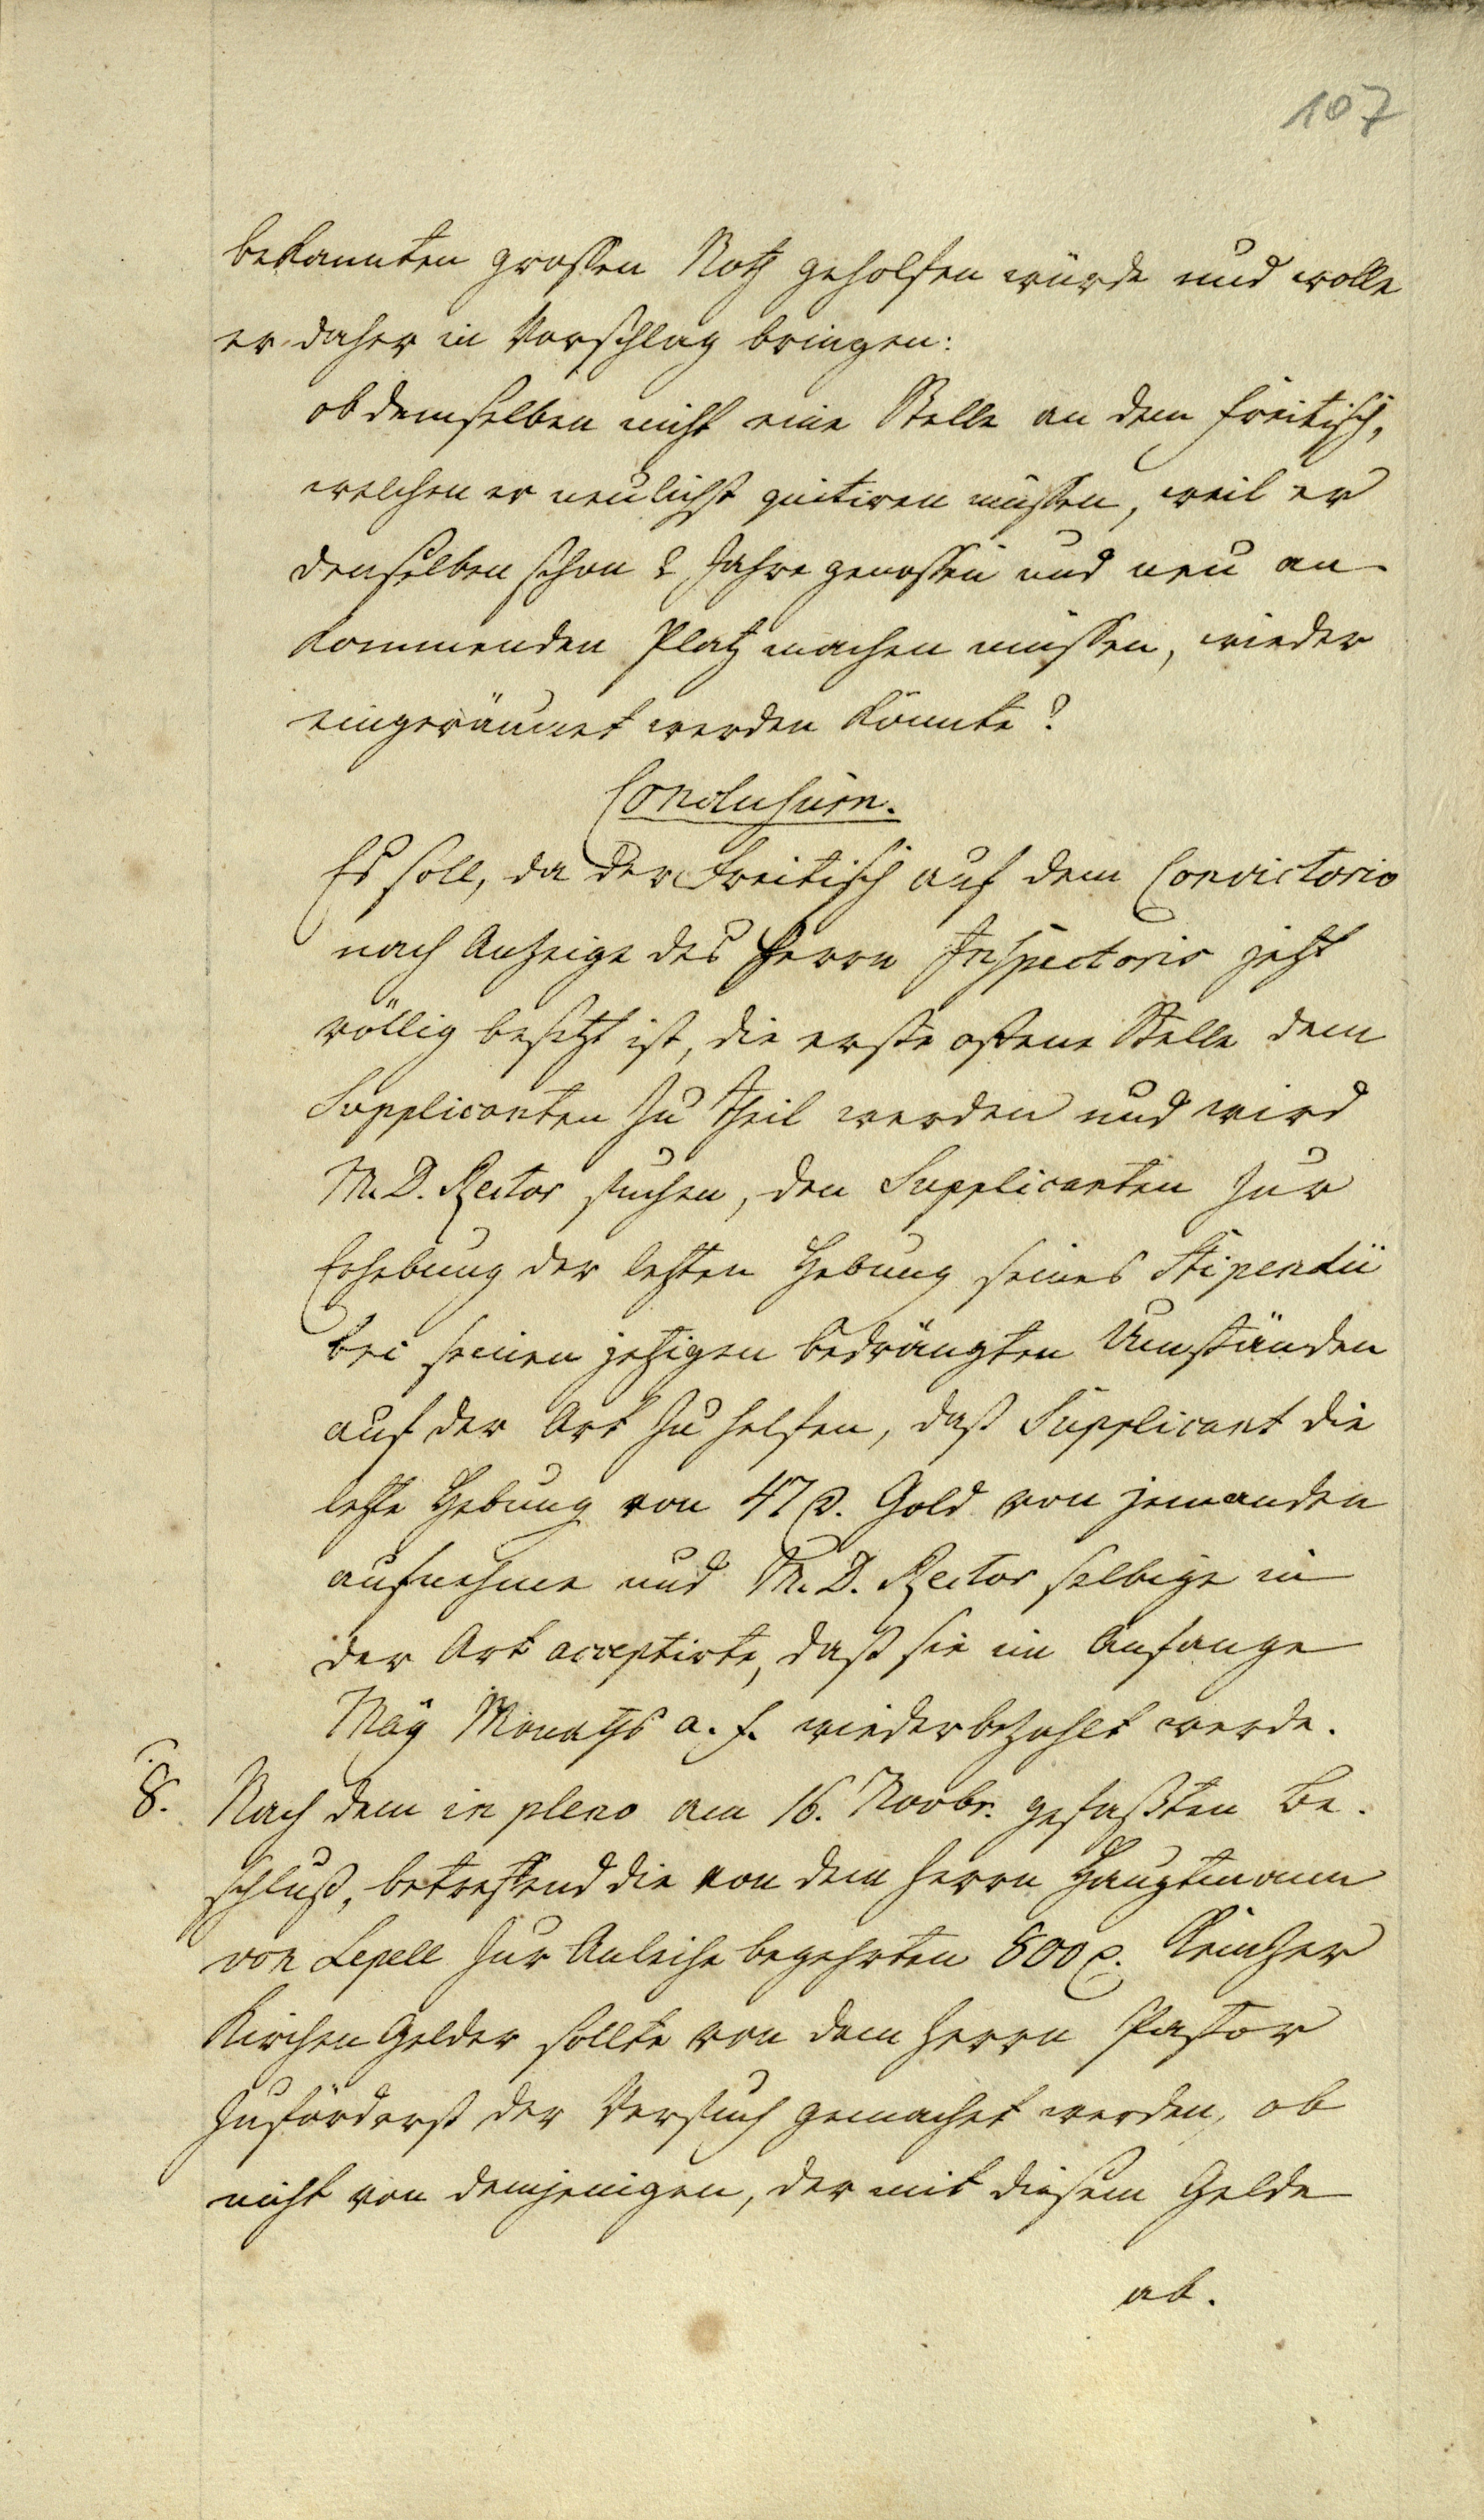bekannten grossen Noth geholfen würde und wolle
er daher in Vorschlag bringen:
ob demselben nicht eine Stelle an dem Freitisch,
welchen er neulichst quitiren müssen, weil er
denselben schon 2 Jahre genossen und neu an¬
kommenden Platz machen müssen, wieder
eingeräumet werden könnte ?
Conclusum.
Es soll, da der Freitisch auf dem Convictorio
nach Anzeige des Herrn Inspectoris jetzt
völlig besetzt ist, die erste offene Stelle dem
Supplicanten zu Theil werden und wird
M. D. Rector suchen, den Supplicanten zur
Erhebung der letzten Hebung seines Stipendii
bei seinen jetzigen bedrängten Umständen
auf der Art zu helfen, daß Supplicant die
letzte Hebung von 47 l. Gold von jemanden
aufnehme und M. D. Rector selbige in
der Art acceptirte, daß sie im Anfange
Maÿ Monaths a. f. wiederbezahlt werde.
8. Nach dem in pleno am 16. Novbr. gefaßten Be¬
schluß, betreffend die von dem Herrn Hauptmann
von Lepell zur Anleihe begehrten 800 l. Kemzer
KirchenGelder sollte von dem Herrn Pastor
zuförderst der Versuch gemachet werden, ob
nicht von demjenigen, der mit diesem Gelde
ab